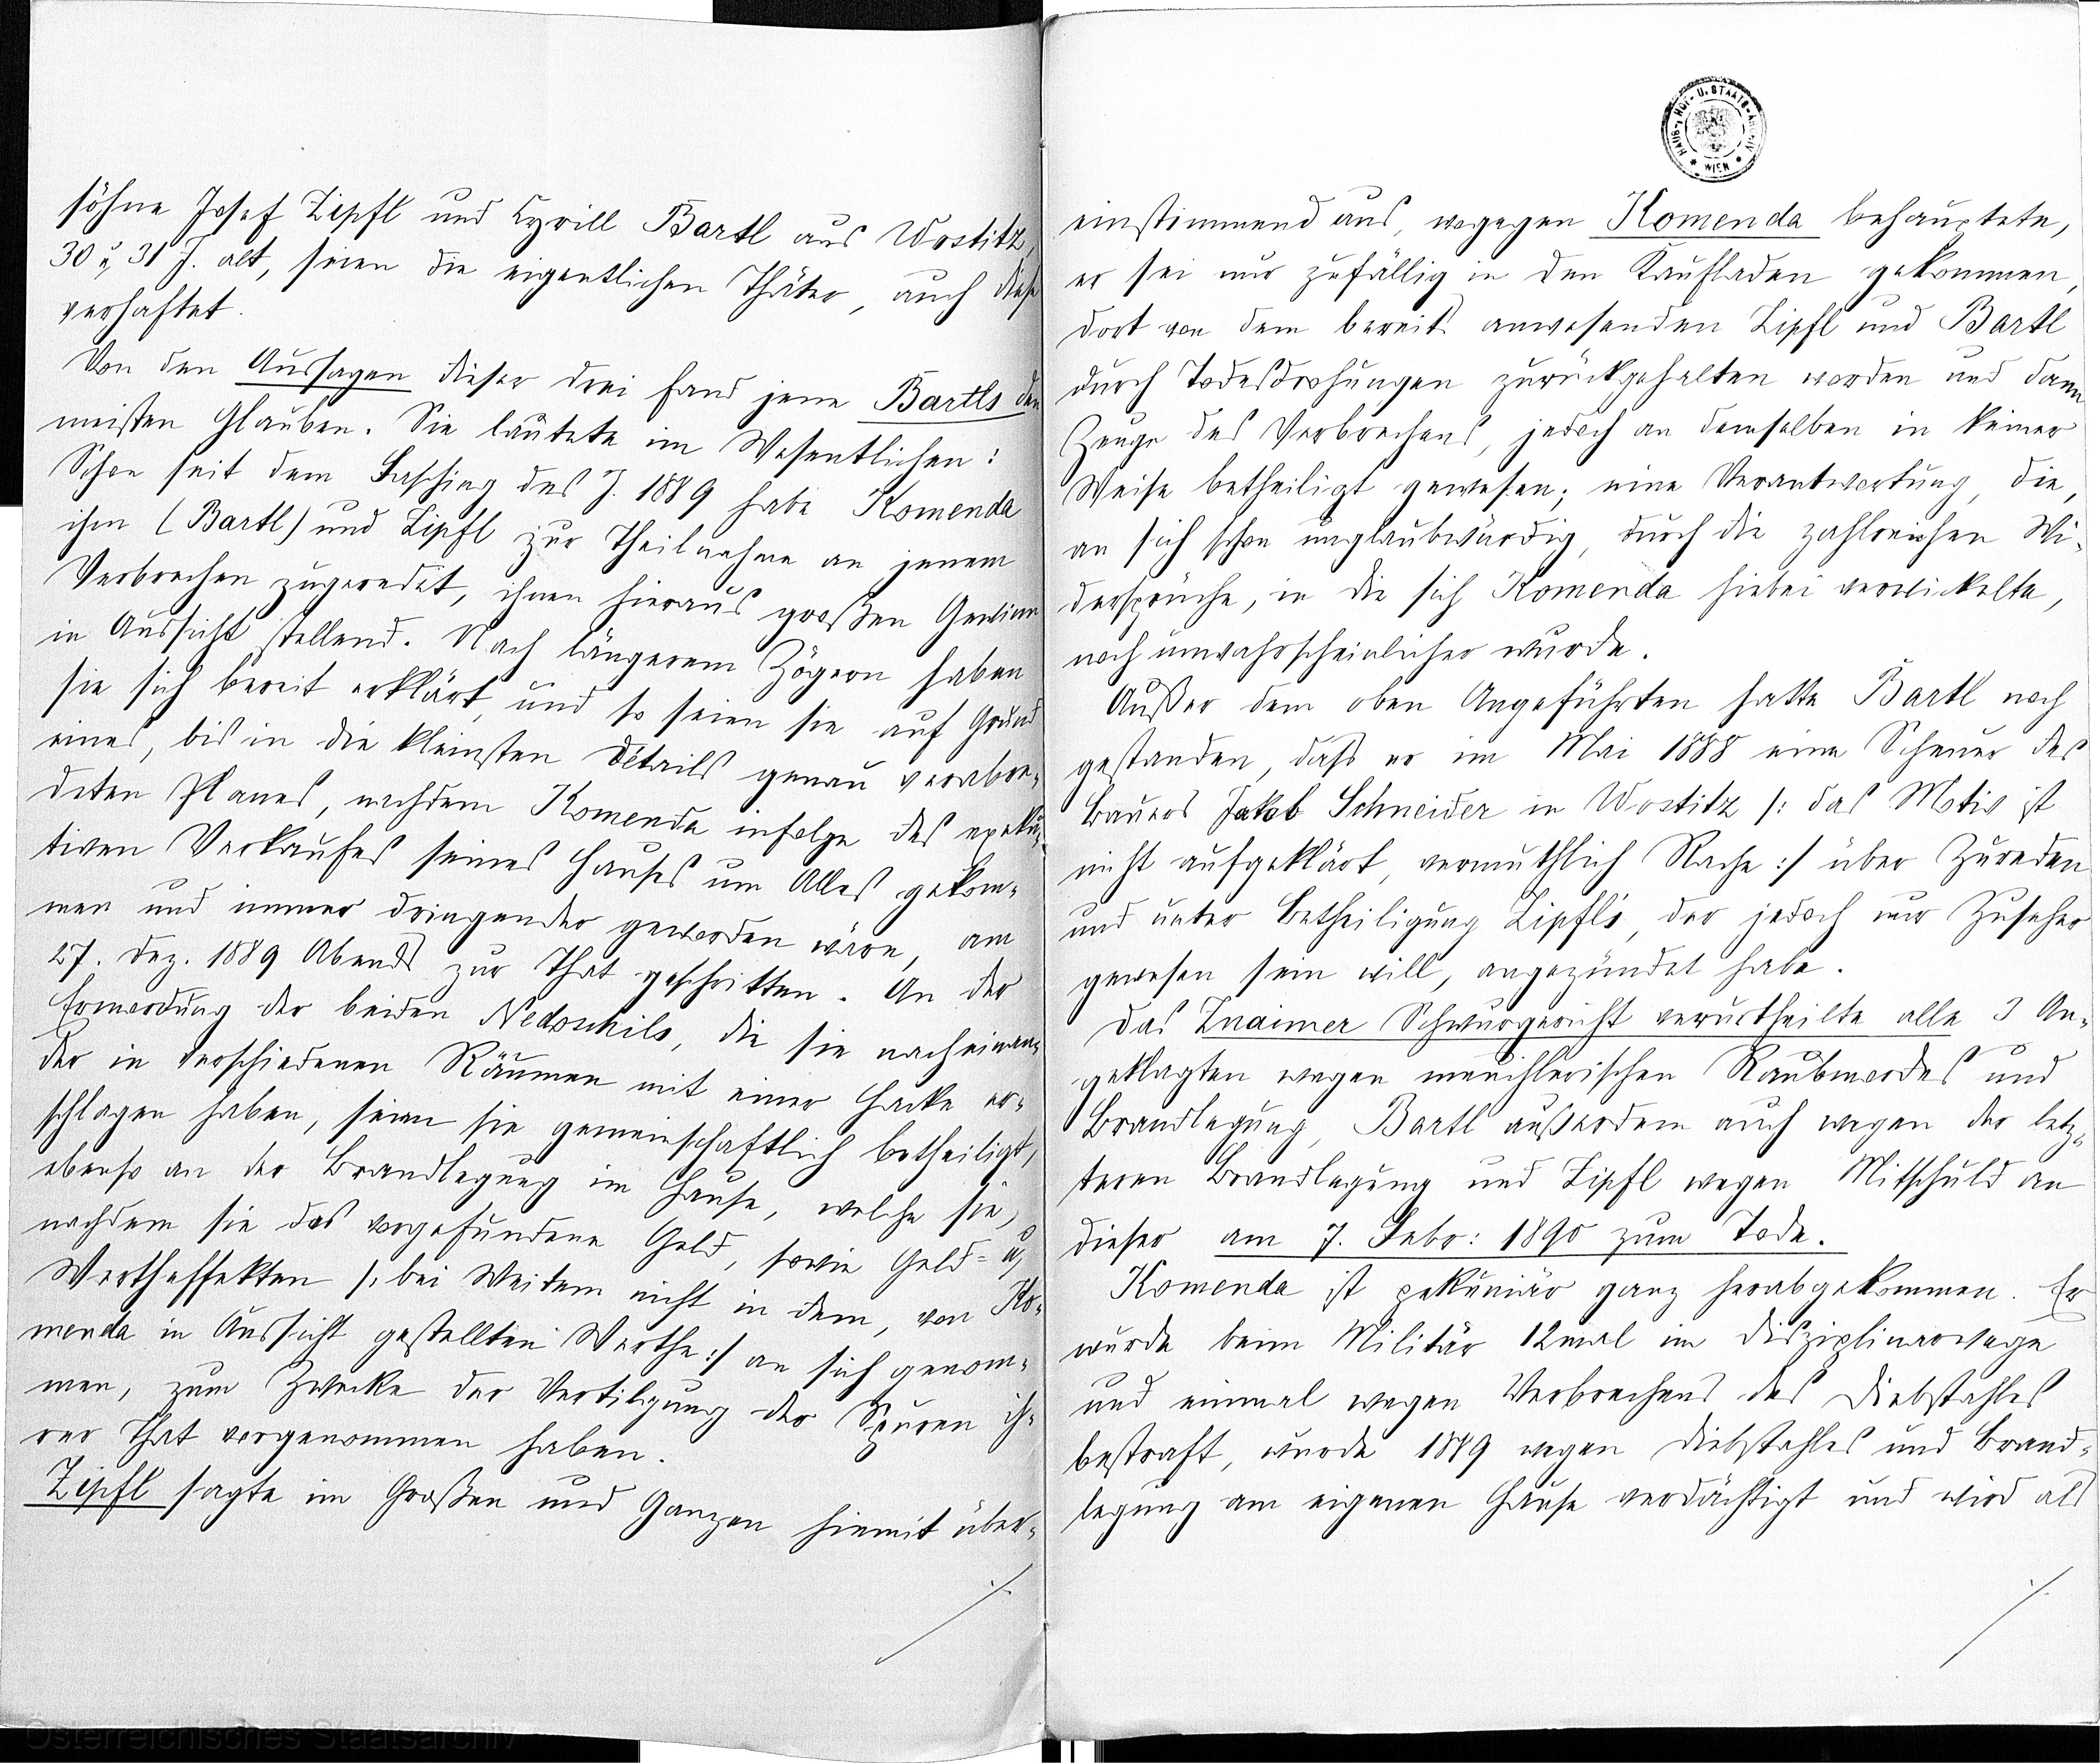söhne Josef Zipft und Cyrill Bartl aus Wostitz,
30 u. 31 J. alt, seien die eigentlichen Thäter, auch diese
verhaftet.
Von den Aussagen dieser drei Fand jene Bartls den
meisten Glauben. Sie lautete im Wesentlichen:
Schon seit dem xxhieg des J. 1889 habe Komenda
ihm (Bartl) und Lipfl zur Theilnahme an jenem
Verbrechen zugeredet, ihnen hieraus großen Gewinn
in Aussicht stellend. Nach längerem Zögern haben
sie sich bereit erklärt, und so seien sie af Grund
eines, bis in die kleinsten Détails genau verabre¬
deten Planes, nachdem Komenda infolge des exeku¬
tiven Verkaufes seines Hauses um Alles gekom¬
men und immer Dringender geworden wäre, am
27. Dez. 1889 Abends zur That geschritten. An der
Ermordung der beiden Nedoschils, die sie nacheinan¬
der in verschiedenen Räumen mit einer Hacke er¬
schlagen haben, seien sie gemeinschaftlich betheiligt,
ebenso an der Brandlegung im Hause, welche sie,
nachdem sie das vogefundene Geld, sowie Geld- u,
Wertheffekten /:bei Weitem nicht in dem, von Ko¬
menda in Aussicht gestellten Werthe:/ an sich genom¬
men, zum Zwecke der Vertilgung der Spuren ich¬
rer That vorgenommen haben.
Zipfl sagte im Großen und Ganzen hiemit über¬
einstimmend und, wogegen Komenda behauptete,
er sei nur zufällig in den Kaufladen gekommen,
dort von dem bereit anwesenden Lipfl und Bartl
durch Todesdrohungen zurückgehalten worden und dann
Zeuge des Verbrechens, jedoch an demselben in keiner
Weise betheiligt gewesen; eine Verantwortung, die,
an sich schon unglaubwürdig, durch die zahlreichen Wi¬
dersprüche, in die sich Komenda hiebei verwickelte,
noch unwahrscheinlicher wurde.
Außer dem oben Angeführten hatte Bartl noch
gestanden, daß er im Mai 1888 eine Scheuer des
Baueres Jakob Schneider in Wostitz /: das Motiv ist
nicht aufgeklärt, vermuthlich Rache :/ über Zureden
und unter Betheiligung Zipfl's, der jedoch nur Zuseher
gewesen sein will, angezündet habe.
Das Znaimer Schwurgericht verurtheilte alle 3 An¬
geklagten wegen meuchlerischen Raubmordes und
Brandlegung, Bartl außerdem auch wegen der letz¬
teren Brandlegung und Zipfl wegen Mitschuld an
dieser am 7. Febr. 1890 zum Tode.
Komenda ist pekuniär ganz herabgekommen. Er
wurde beim Militär 12mal im Disziplinarwege
und einmal wegen Verbrechens des Diebstahles
bestraft, wurde 1889 wegen Diebstahles und Brand¬
legung am eigenen Hause verdächtigt und wird als